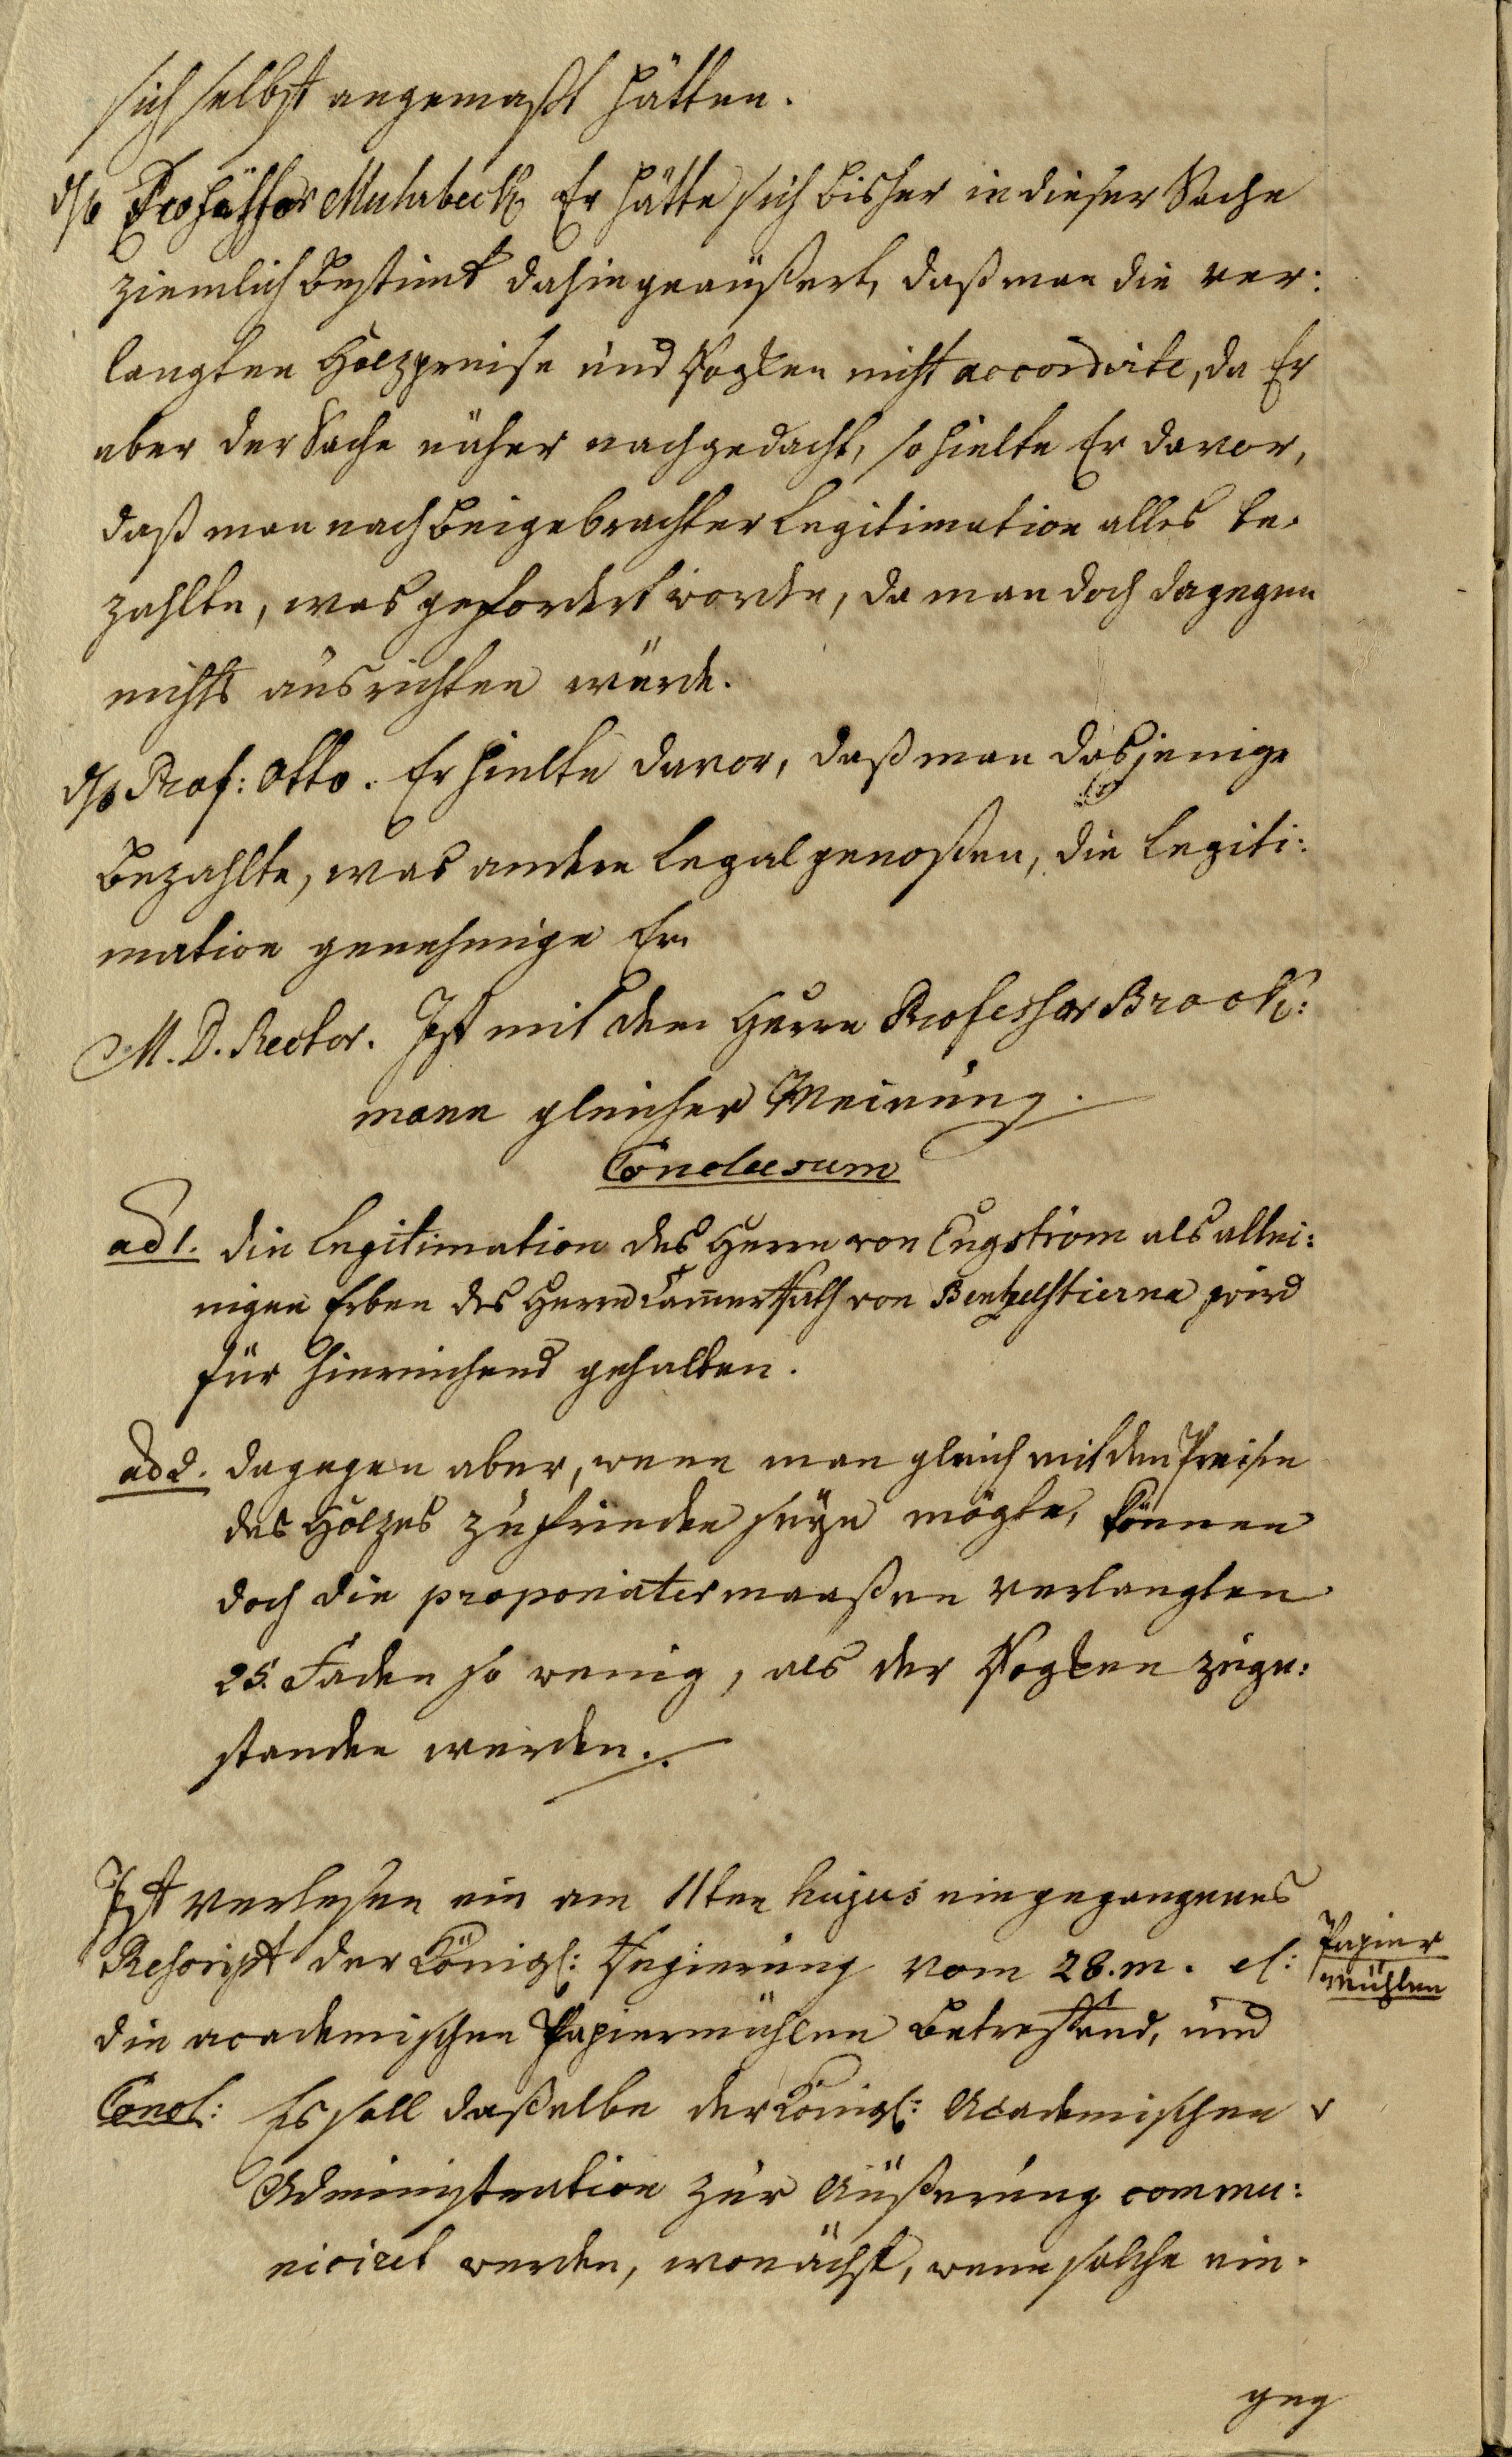sich selbst angemaßt hätten.
dh Professor Muhrbeck. Er hätte sich bisher in dieser Sache
ziemlich bestimt dahin geäußert, daß man die ver¬
langte Holzpreise und Rogken nicht accordirte, da Er
aber der Sache näher nachgedacht, so hielte Er davor,
daß man nach beigebrachter Legitimation alles be¬
zahlte, was gefordert worden, da man doch dagegen
nichts ausrichten würde.
dh. Prof. Otto. Er hielte davor, daß man dasjenige
bezahlte, was andern legal genoßen, die Legiti¬
mation genehmige Er.
M. D. Rector. Ist mit dem Herrn Professor Brock¬
mann gleicher Meinung.
Conclusum
ad 1. die Legitimation des Herrn von Engström als allei¬
nigen Erben des Herrn CamerRath von Bentzelstierna wird
für hinreichend gehalten.
ad 2. dagegen aber, wenn man gleich mit den Preisen
des Holzes zufrieden seÿn mögte, können
doch die proponirter maaßen verlangten
25 Faden so wenig, als der Rogken zuge¬
standen werden.
Ist verlesen ein am 11 ten hujus eingegangenes
Rescript der Königl. Regierung vom 28 m. el.
die academischen Papiermühlen betreffend, und
Concl. Es soll daßelbe der Königl. Akademischen
Administration zur Äußerung commu¬
niciret werden, wonächst, wenn solche ein¬
geg